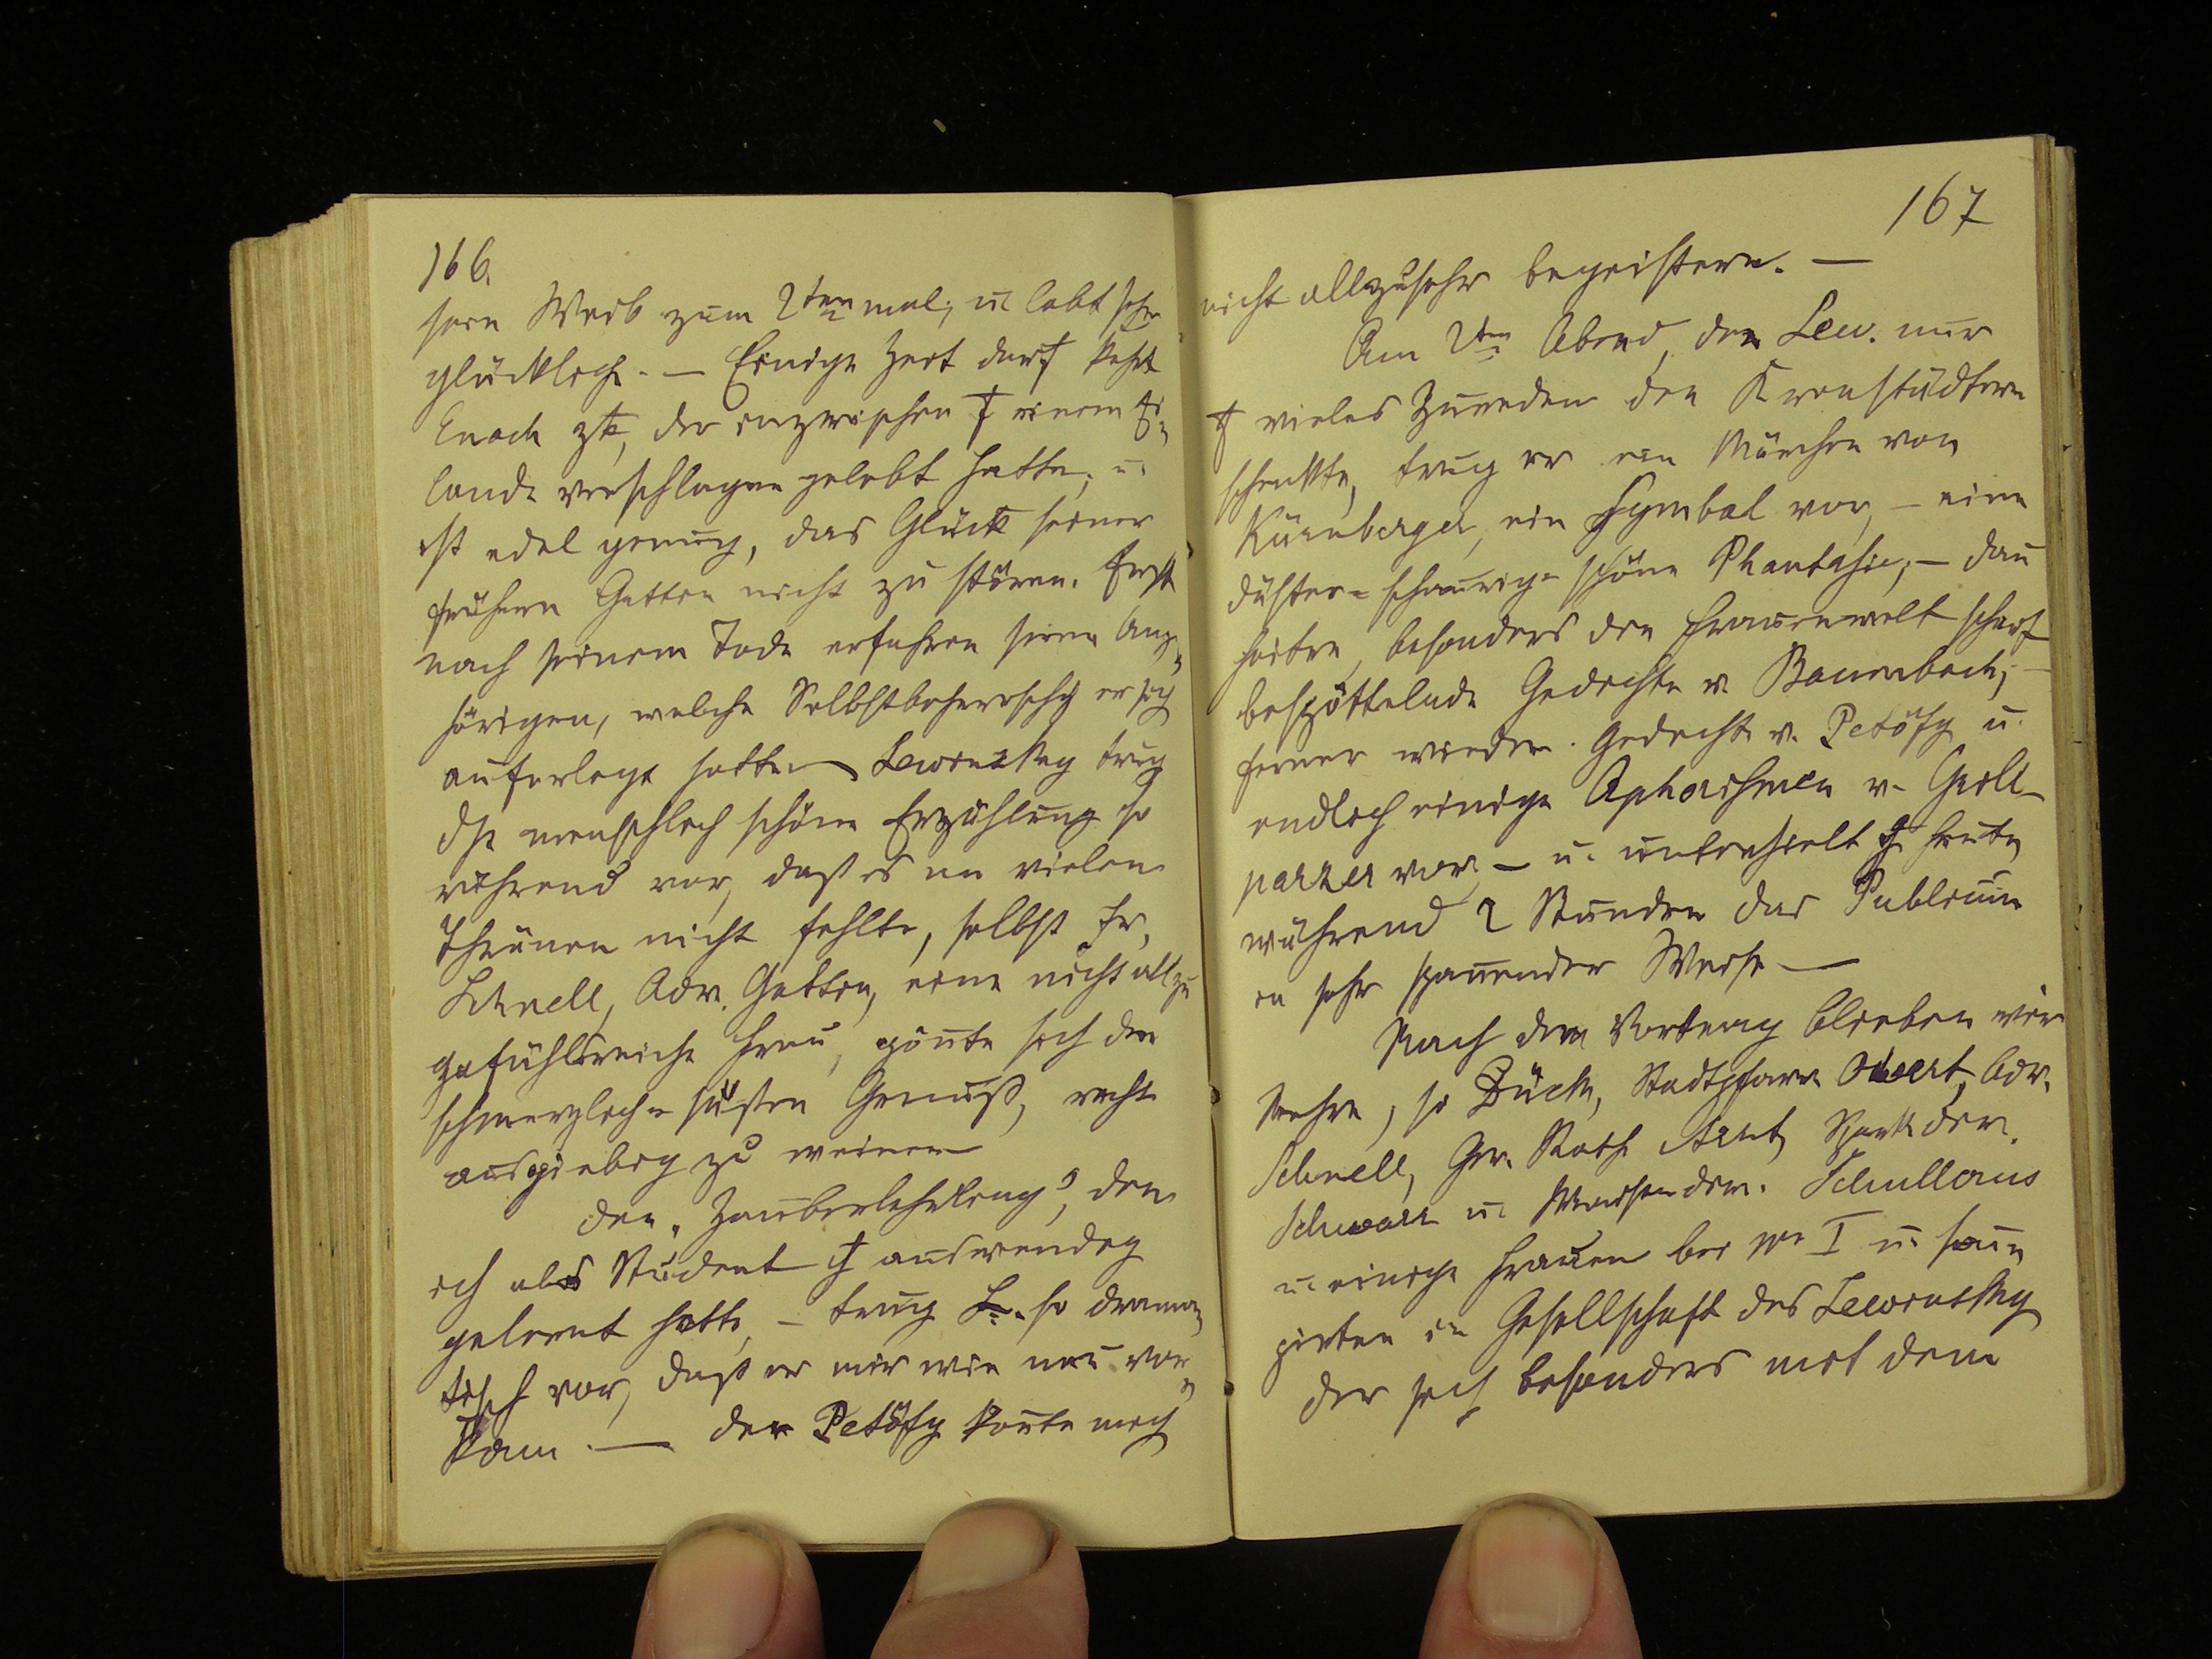166
sein Weib zum 2-ten mal, und lebt sehr
glücklich.—Einige Zeit darauf kehrte
Enoch zurück , der inzwischen auf einem Ei¬
land verschlagen gelebt hatte , und
ist edel genug , das Glück seiner
früheren Gattin nicht zu stören. Erst
nach seinem Tode erfahren seine Ang¬
ehörigen welche Selbstbeherrschung er sich
auferlegt hatte .—Lewinsky trug
diese menschlich schöne Erzählung so
rührend vor , daß es an vielen
Thränen nicht fehlte , selbst Fr.
Schnell, Adv. Gatten, eine nicht allzu
gefühlsreiche Frau , gönnte sich den
schmerzlich en süßen Genuß , recht
ausgiebig zu weinen.—
Den Zauberlehrling den
ich als Student auch auswendig
gelernt hatte,- trug L. so drama¬
tisch vor , daß er mir wie neu vor¬
kam.—Der Petöfy konnte noch
167
nicht allzusehr begeistern.—
Am 2-ten Abend, den Lewinsky nur
mit vielen Zureden den Kronstädter
schenkte , trug er Märchen von
Kürnberger , ein Symbol vor,--eine
düster= schaurige schöne Phantasie;- dann
heiter, besonders die Frauenwelt scharf
bespöttelnde Gedichte von Baumbach;--
ferner wieder Gedichte von Petöfy und
endlich einige Aphorismen von Grill¬
parzer vor, und unterhielt auch heute
während 2 Stunden das Publikum
in sehr spannender Weise-
Nach dem Vortrag blieben wir
Sehre, so Dück, Stadtpfarrer Obert, Adv.
Schnell, Ger. Roth Arzt, Sparkdir.
Schwarz und ?… Schullerus
und einige Frauen bei W I und in
feierten in Gesellschaft des Lewinsky
der sich besonders mit den